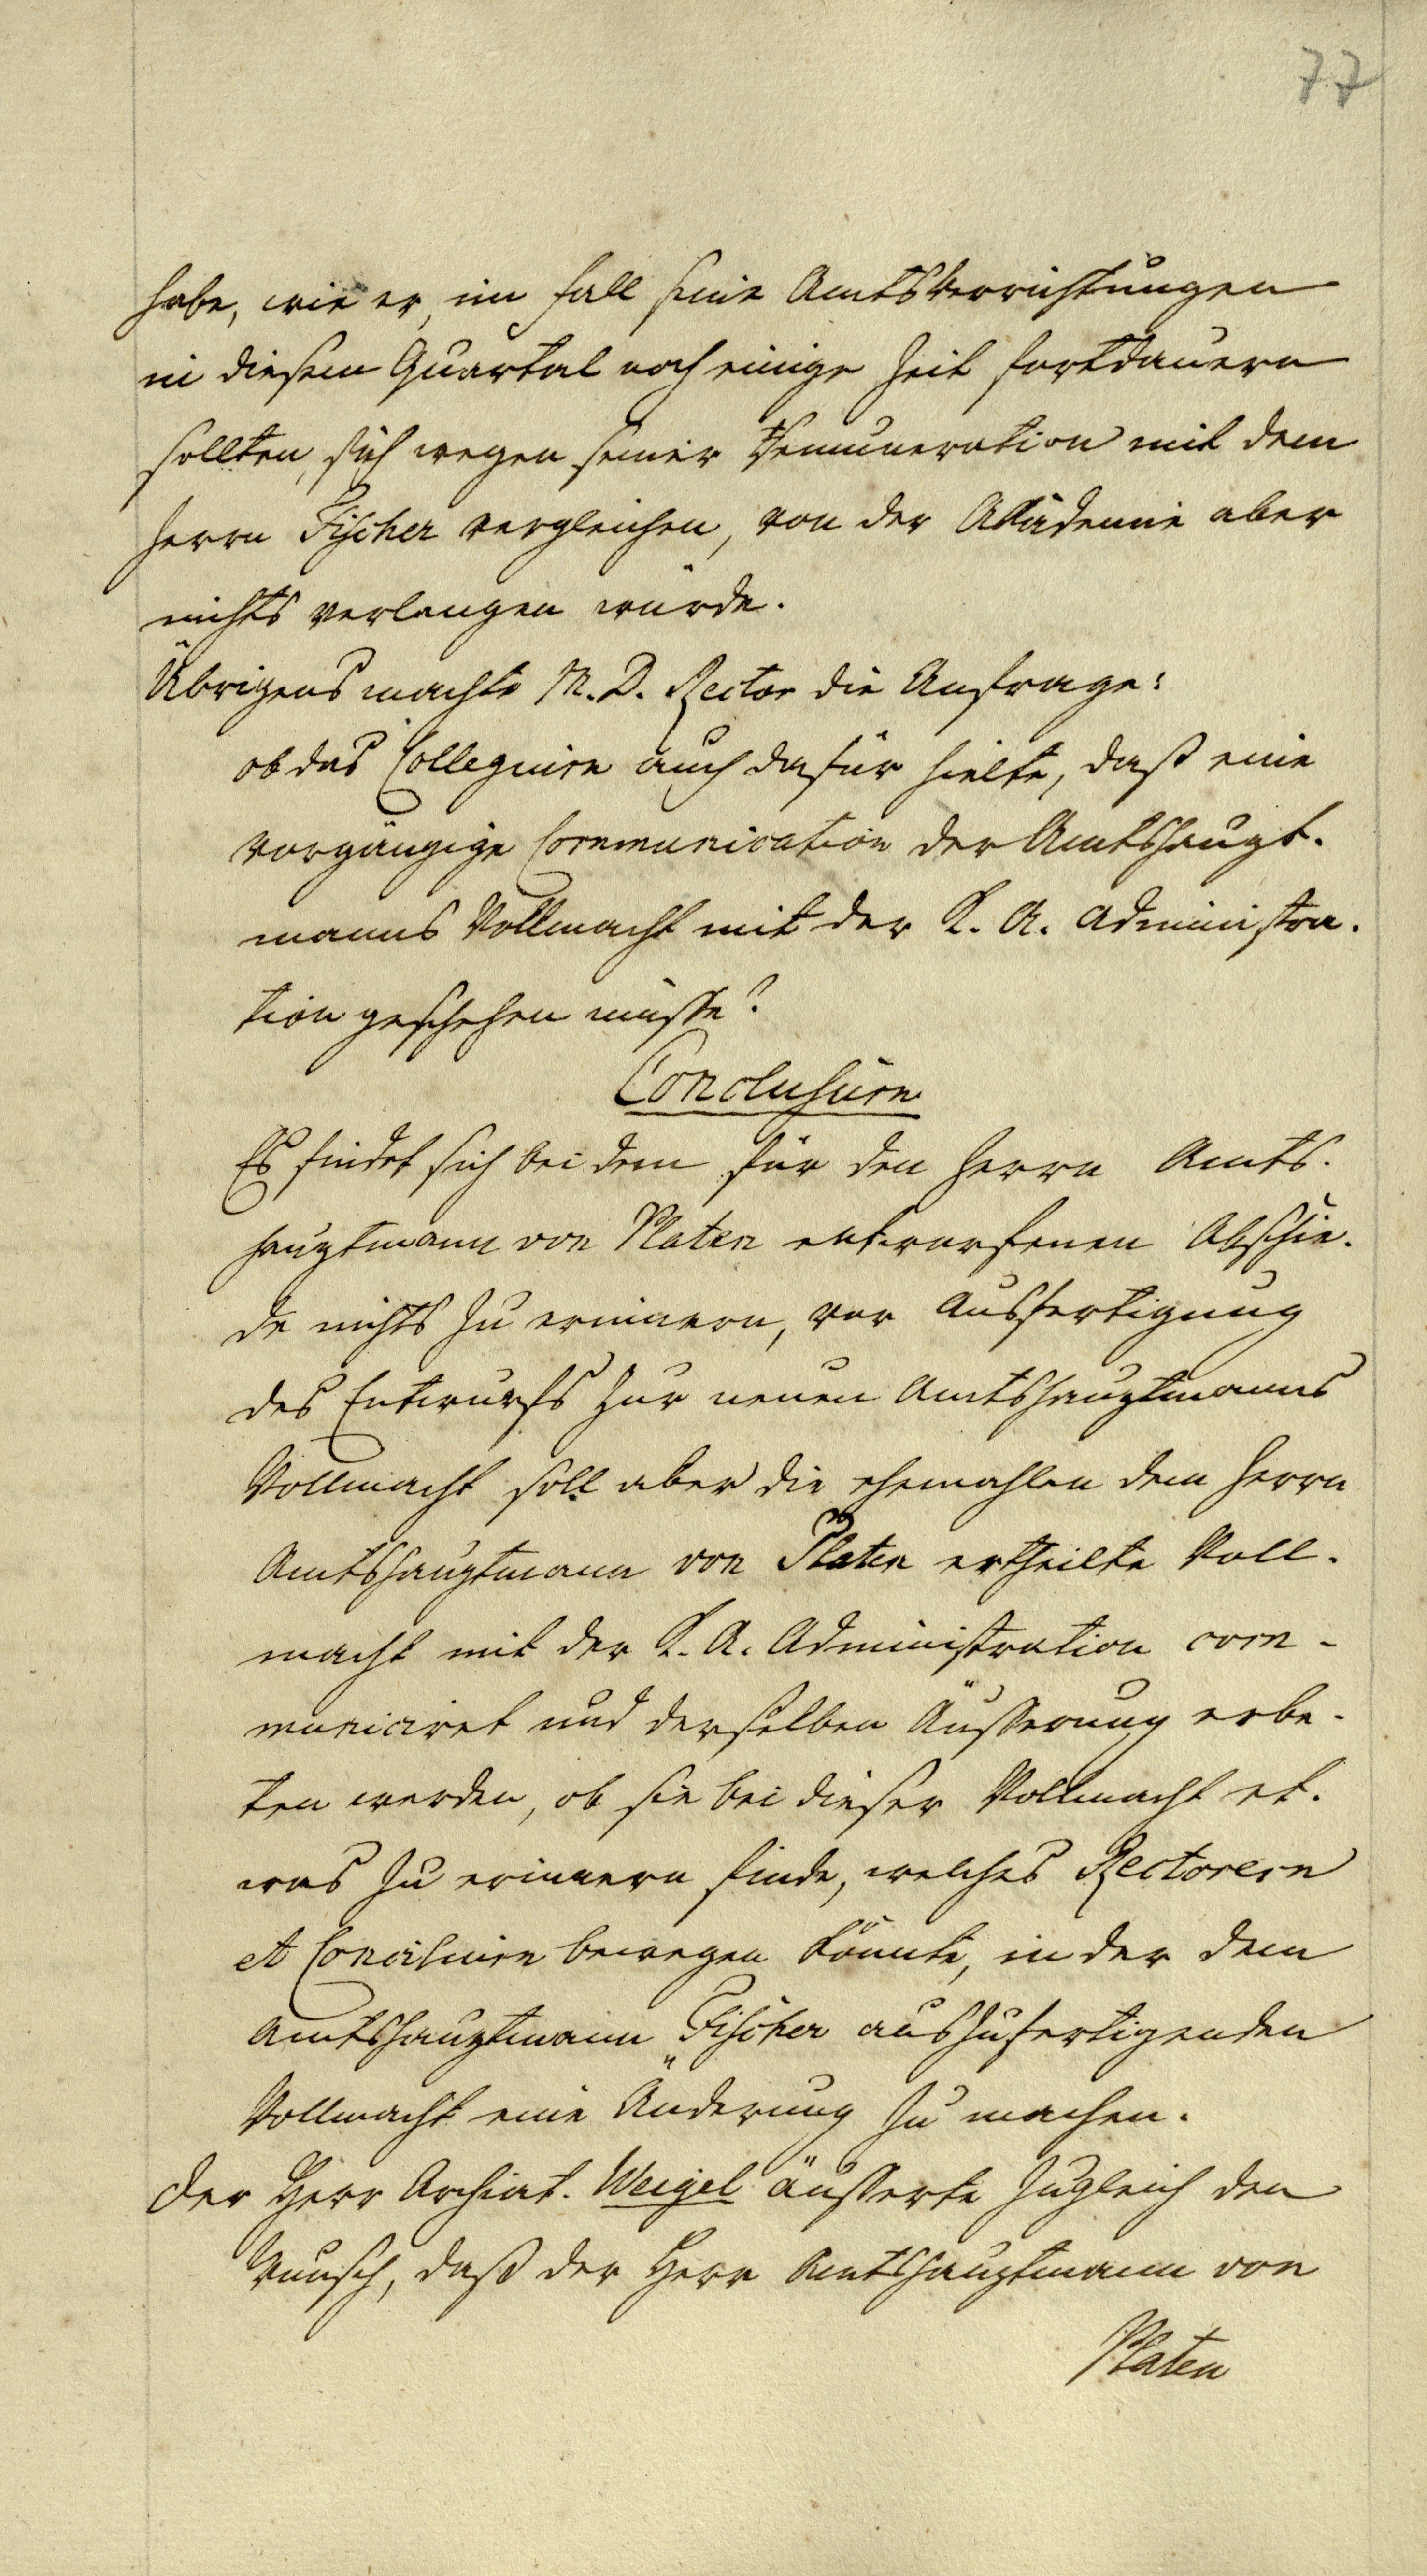habe, wie er im Fall seine Amtsverrichtungen
in diesem Quartal noch einge Zeit fortdauern
sollten, sich wegen seiner Remuneration mit dem
Herrn Fischer vergeichen, von der Akademie aber
nichts verlangen würde.
Übrigens machte M. D. Rector die Anfrage:
ob das Collegium auch dafür hielte, daß eine
vorgängige Communication der Amtshaupt¬
manns Vollmacht mit der K. A. Administra¬
tion geschehen müsse?
Conclusum
Er findet sich bei dem für den Herrn Amts¬
hauptmann von Platen entworfenen Abschie¬
de nichts zu erinnern, vor Ausfertigung
des Entwurfs zur neuen Amtshauptmanns
Vollmacht soll aber die ehemahlen dem Herrn
Amtshauptmann von Platen ertheilte Voll¬
macht mit der K. A. Administration com¬
municiret und derselben Äusserung erbe¬
ten werden, ob sie bei dieser Vollmacht et¬
was zu erinnern finde, welches Rectorem
et Concilium bewegen könnte, in der dem
Amtshauptmann Fischer auszufertigenden
Vollmacht eine Änderung zu machen.
Der Herr Archiat. Weigel äusserte zugleich den
Wunsch, daß der Herr Amtshauptmann von
Platen